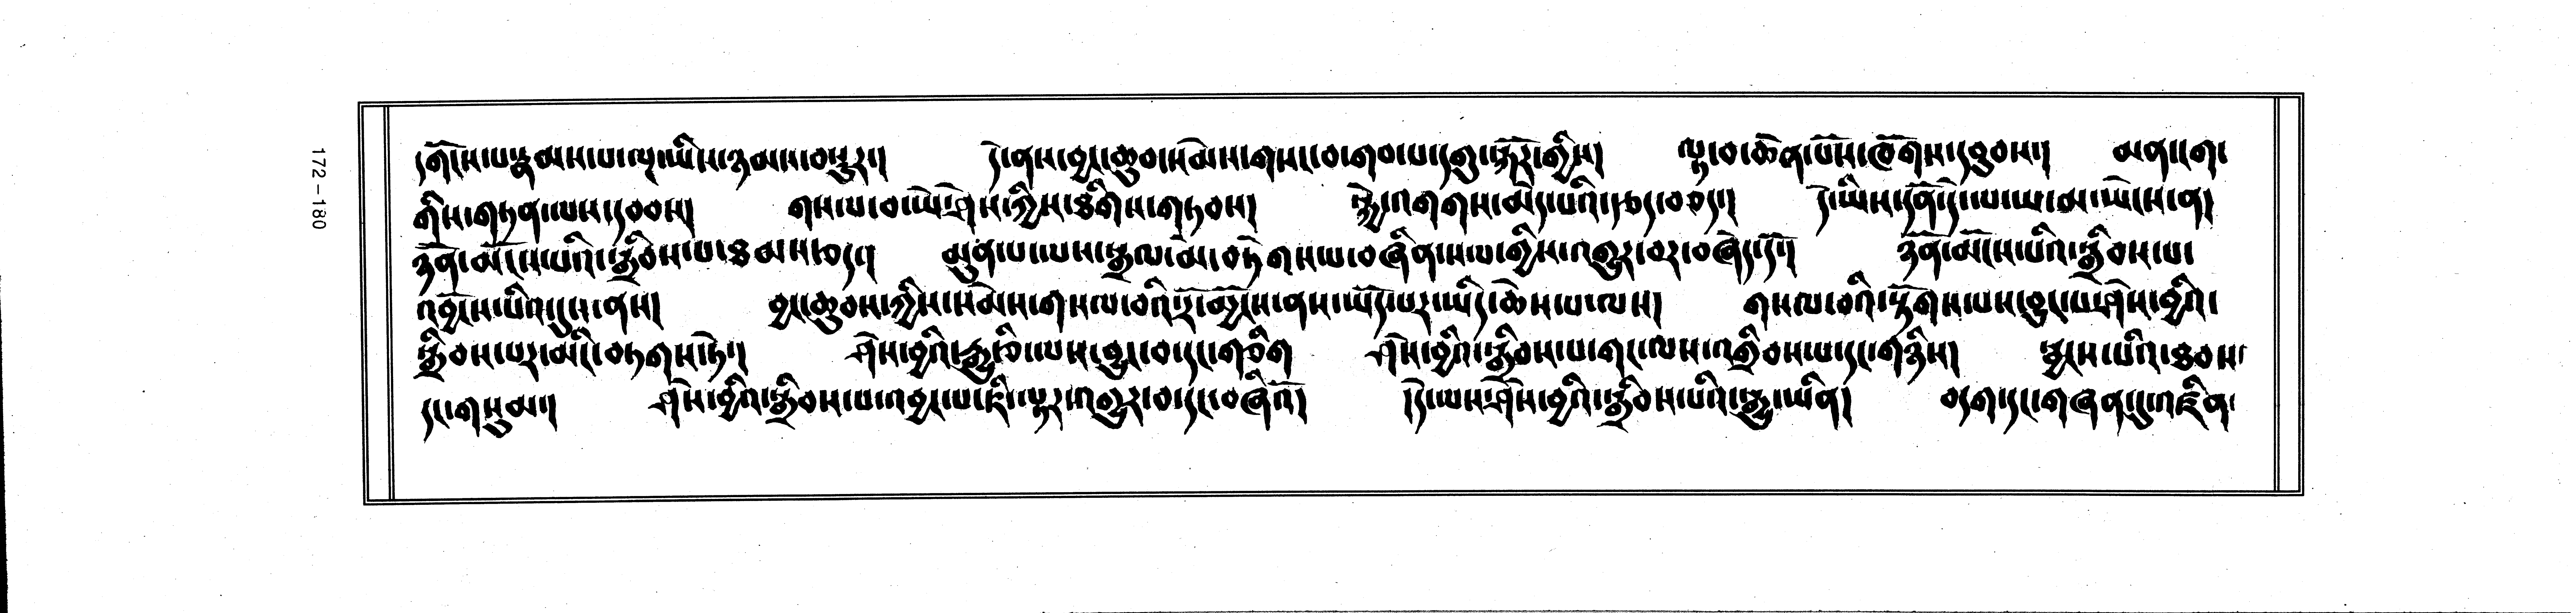དགོངས་པ་རྣམས་པ་ལྔ་ཡིས་ཉམས་བསྡུར། དེ་ནས་བྱང་ཆུབ་སེམས་གསང་བ་གབ་པ་དགུ་སྐོར་གྱིས། ལྟ་བ་ཆེན་པོས་ཁོགས་དབུབས། མན་ངག་
གིས་གཏན་ལས་དབབས། གསལ་བ་ཡེ་ཤེས་ཀྱིས་ཐིགས་གཏབས། སྐྱེ་འགགས་མེད་པའི་རྩད་བཅད། དེ་ཡིས་དོན་དེ་ལ་མ་ཡེངས་ན། 
ཉོན་མོངས་པའི་སྒྲིབ་པ་ཐམས་ཅད་མུན་པ་ལས་སྒྲོན་མེ་བཏེགས་པ་བཞིན་སལ་གྱིས་འགྱུར་བར་བཞེད་དོ། ཉོན་མོངས་པའི་སྒྲིབ་པ་
འབྱོངས་པའི་དུས་ནས། བྱང་ཆུབ་ཀྱིས་སེམས་གསལ་བའི་རོ་མྱོངས་ནས་ཡོད་པར་ཡིད་ཆེས་པ་ལས། གསལ་བའི་རྟོགས་པས་བྱུང་པ་ཤེས་བྱའི་
སྒྲིབ་པར་མིང་བཏགས་ཏེ། ཤེས་བྱའི་རྒྱུ་ཅི་ལས་བྱུང་བ་དང་གཅིག ཤེས་བྱའི་སྒྲིབ་པ་གང་ལས་འགྲིབས་པ་དང་གཉིས། སྦྱངས་པའི་ཐབས་
དང་གསུམ། ཤེས་བྱའི་སྒྲིབ་པ་འབྱང་པ་ཇི་ལྟར་འགྱུར་བ་དང་བཞིའོ། དེ་ལས་ཤེས་བྱའི་སྒྲིབ་པའི་སྒྱུ་ཡིན། བདག་དང་གཞན་དུ་འཛིན་